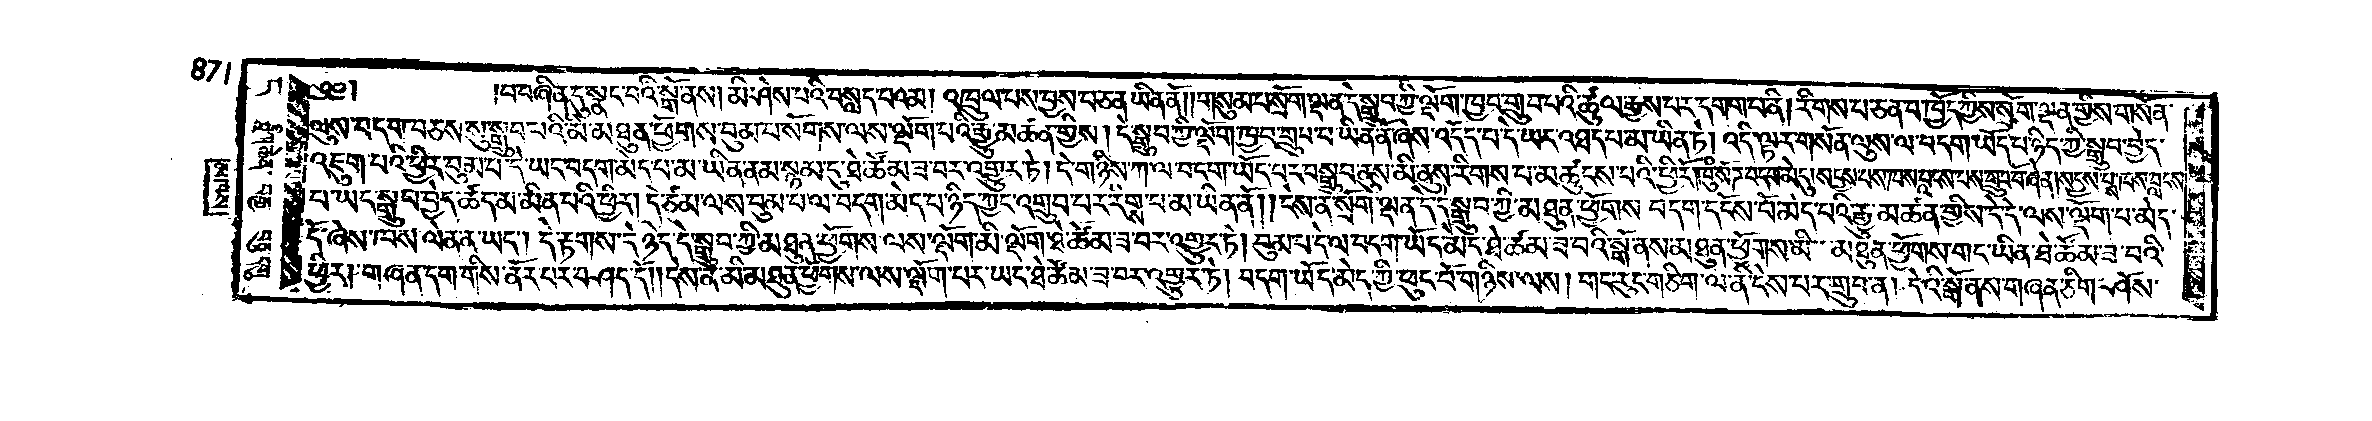༄༅། །བ་བཞིན་དུ་སྣང་བའི་སྒོ་ནས། མི་ཤེས་པའི་བསླད་པའམ། འཁྲུལ་བས་བྱས་པ་ཅན་ཡིན་ནོ། །གསུམ་པ་སྲོག་ལྡན་དེ་སྒྲུབ་ཀྱི་ལྡོག་ཁྱབ་གྲུབ་པའི་ཚུལ་རྒྱས་པར་དགག་པ་ནི། རིགས་པ་ཅན་པ་ཁྱོད་ཀྱིས་སྲོག་ལྡན་གྱིས་གསོན་
ལུས་བདག་བཅས་སུ་སྒྲུབ་པའི་མི་མཐུན་ཕྱོགས་བུམ་པ་སོགས་ལས་ལྡོག་པའི་རྒྱུ་མཚན་གྱིས། དེ་སྒྲུབ་ཀྱི་ལྡོག་ཁྱབ་གྲུབ་པ་ཡིན་ནོ་ཞེས་འདོད་པ་དེ་ཡང་འཐད་པ་མ་ཡིན་ཏེ། འདི་ལྟར་གསོན་ལུས་ལ་བདག་ཡོད་པ་ཉིད་ཀྱི་སྒྲུབ་བྱེད་
འཇུག་པའི་ཕྱིར་བུམ་པ་དེ་ཡང་བདག་མེད་པ་མ་ཡིན་ནམ་སྙམ་དུ་ཐེ་ཚོམ་ཟ་བར་འགྱུར་ཏེ། དེ་གཉིས་ཀ་ལ་བདག་ཡོད་པར་བསྒྲུབ་ནུས་མི་ནུས་རིགས་པ་མཚུངས་པའི་ཕྱིར་རོ། །བུམ་སོགས་བདག་མེད་དུ། སངས་རྒྱས་པས་ཁས་བླངས་པས་གྲུབ་བོ་ཞེ་ན། སངས་རྒྱས་པས་ཁས་བླངས་
པ་ཡང་སྒྲུབ་བྱེད་ཚད་མ་མིན་པའི་ཕྱིར། དེ་ཙམ་ལས་བུམ་པ་ལ་བདག་མེད་པ་ཉིད་ཀྱང་འགྱུར་པར་རིགས་པ་མ་ཡིན་ནོ། །ངེས་ན་སྲོག་ལྡན་དེ་དེ་སྒྲུབ་ཀྱི་མཐུན་ཕྱོགས་བདག་དངོས་པོ་མེད་པའི་རྒྱུ་མཚན་གྱིས་དེ་དེ་ལས་ལྡོག་པ་མེད་
དོ་ཞེས་ཁས་ལེན་ན་ཡང་། དེ་རྟགས་དེ་ཉིད་དེ་སྒྲུབ་ཀྱི་མཐུན་ཕྱོགས་ལས་ལྡོག་མི་ལྡོག་ཐེ་ཚོམ་ཟ་བར་འགྱུར་ཏེ། བུམ་པ་དེ་ལ་བདག་ཡོད་མེད་ཐེ་ཚོམ་ཟ་བའི་སྒོ་ནས་མཐུན་ཕྱོགས་མི་མཐུན་ཕྱོགས་གང་ཡིན་ཐེ་ཚོམ་ཟ་བའི་
ཕྱིར། གཞན་དག་གིས་ནོར་བར་བཤད་དོ། །དེས་ན་མི་མཐུན་ཕྱོགས་ལས་ལྡོག་པར་ཡང་ཐེ་ཚོམ་ཟ་བར་འགྱུར་ཏེ། བདག་ཡོད་མེད་ཀྱི་ཕུང་བོ་གཉིས་ལས། གང་རུང་གཅིག་ལ་ནི་ངེས་པར་གྲུབ་ན། དེའི་སྒོ་ནས་གཞན་ཅིག་ཤོས་